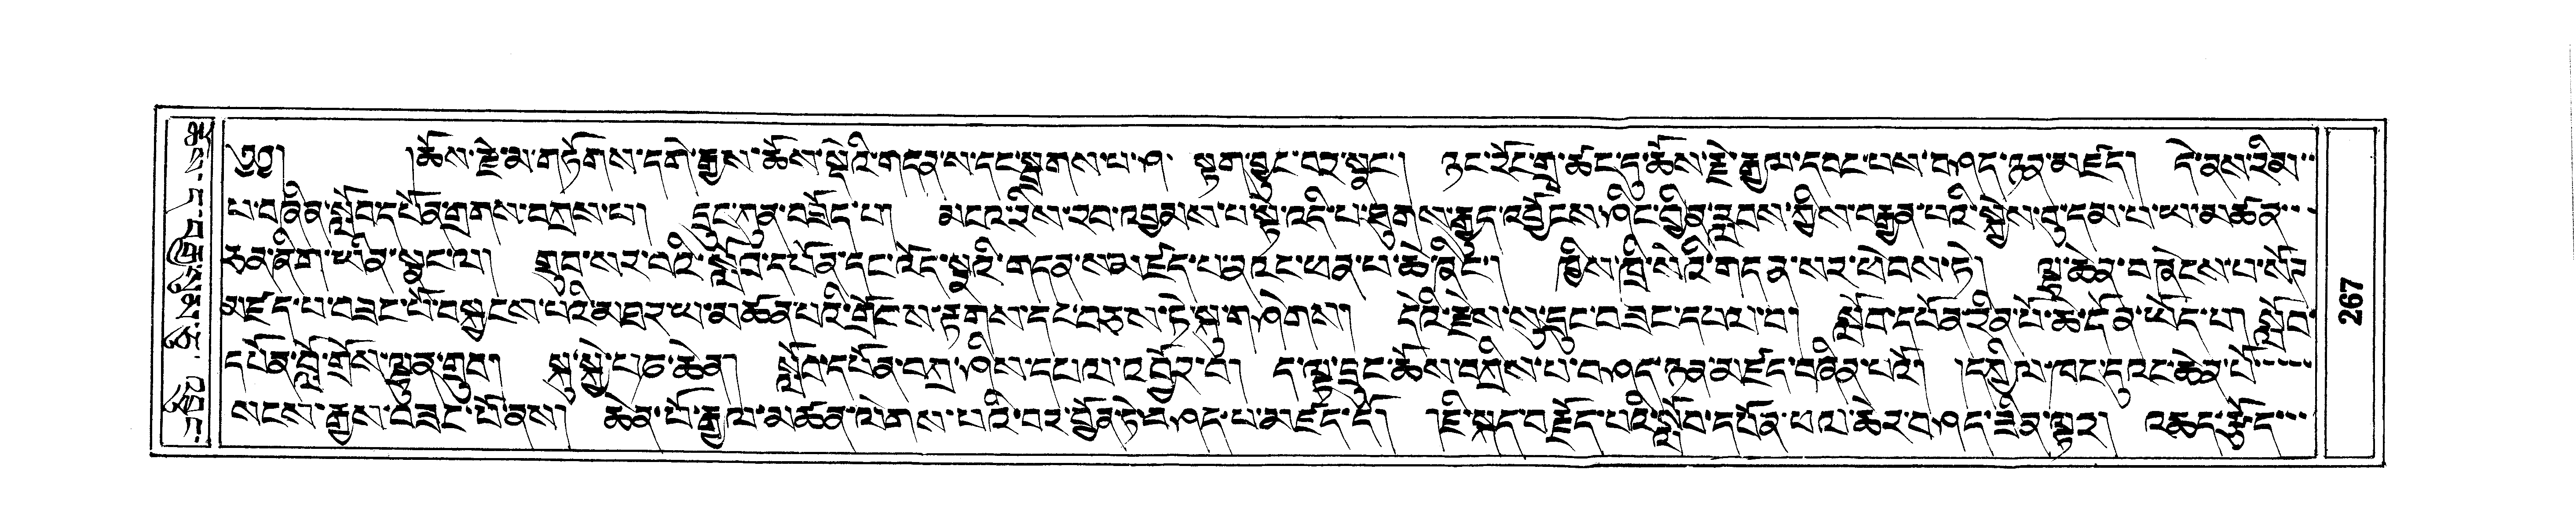༄༅། །ཆོས་རྗེ་མ་གཏོགས་དགེ་རྒྱས་ཆོས་སྡེའི་གདན་ས་དང་སྦྲགས་པ་ཤ་སྟག་བྱུང་བར་སྣང་། ཉང་རོང་གྲྭ་ཚང་དུ་ཆོས་རྗེ་རྒྱལ་དབང་པས་བཤད་ཉན་མཛད། དེ་ནས་རིམ་
པ་བཞིན་སློབ་དཔོན་གྲགས་བཀྲས་པ། དྲུང་ཀུན་བཟོད་པ། མངའ་རིས་རབ་འབྱམས་པ་སྟེ་འདི་པ་ཐུགས་རྒྱུད་འབྱོངས་ཤིང་བྱིན་རླབས་ཀྱིས་བརྒྱན་པའི་སྐྱེས་བུ་དམ་པ་ཡ་མཚན་
ཅན་ཞིག་ཡིན་སྣང་ལ། གྲུབ་སར་བའི་སློབ་དཔོན་དང་འོད་སྣའི་གདན་ས་མཛད་པ་ནའང་ཕན་པ་ཆེ་ཞིང་། ཁྱིས་ཁྲི་སེའི་གདན་སར་ཕེབས་ཏེ། ལྷ་ཆེན་བཞེངས་པ་སོཌ་
མཛད་པ་བཟང་པོ་བསྐྱངས་པའི་མཐར་ཡ་མཚན་པའི་གྲོང་ས་རྟགས་དང་བཅས་ཏེ་སྐུ་གཤེགས། དེའི་རྗེས་སུ་དྲུང་བཟང་དཔལ་བ། སློབ་དཔོན་རིན་པོ་ཆེ་དོན་ཡོད་པ། སློབ་
དཔོན་བློ་གྲོས་ལྷུན་གྲུབ། སྐུ་སྐྱེ་པཎ་ཆེན། སློབ་དཔོན་བཀྲ་ཤིས་དཔལ་འབྱོར་བ། ད་ལྟ་བྲུང་ཆོས་བཀྲིས་པ་བཤད་ཉན་མཛད་བཞིན་པའོ། །དཀྱིལ་ཁང་དུའང་ཆེན་པོ་
སངས་རྒྱས་བཟང་པོ་ནས། ཆེན་པོ་རྒྱལ་མཚན་ལེགས་པའི་བར་བྱོན་ཏེ་བཤད་པ་མཛད་དོ། །ཇི་སྐད་བརྗོད་པའི་སློབ་དཔོན་ཕལ་ཆེར་བཤད་ཟིན་ལྟར། འཆད་རྩོད་